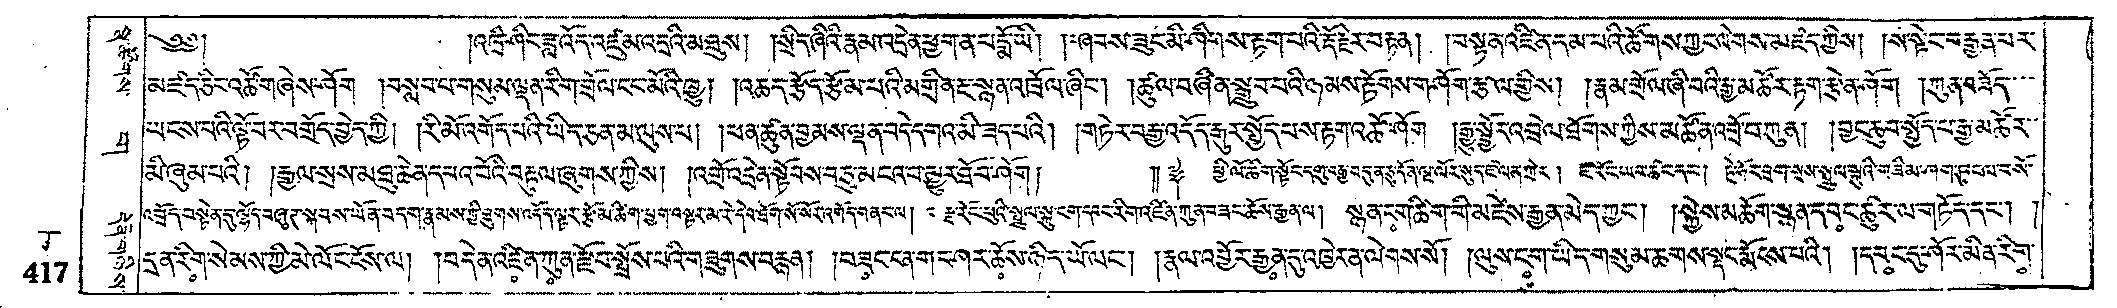༄༅། །འཁྲི་ཤིང་ཟླ་འོད་འཛུམ་འདྲའི་མཐུས། །སྲིད་ཞིའི་རྣམ་འདྲེན་ཕྱག་ན་པདམོ་ཡི། །༧ཞབས་ཟུང་མི་ཤིགས་རྟག་པའི་རྡོ་རྗེར་བརྟན། །བསྟན་འཛིན་དམ་པའི་ཚོགས་ཀྱང་ལེགས་མཛད་ཀྱིས། །ས་སྟེང་བརྒྱན་པར་
མཛད་ཅིང་འཚོ་གཞེས་ཤོག །བསླབ་པ་གསུམ་ལྡན་རིག་གྲོལ་ངང་མོའི་ཁྱུ། །འཆད་རྩོད་རྩོམ་པའི་མགྲིན་རྔ་སྙན་འཁྲོལ་ཞིང་། །ཚུལ་བཞིན་སྒྲུབ་པའི་ཉམས་རྟོགས་གཤོག་རྩལ་གྱིས། །རྣམ་གྲོལ་ཞི་བའི་རྒྱ་མཚོར་རྟག་རྩེན་ཤོག །ཀུན་བཟོད་་་
ཡངས་པའི་ལྟོ་བར་བགྲོད་བྱེད་ཀྱི། །རི་མོ་འགོད་པའི་ཡིད་ཅན་མ་ལུས་པ། །ཕན་ཚུན་བྱམས་ལྡན་བདེ་དགའ་མི་ཟད་པའི། །གཏེར་བརྒྱ་འདོད་རྒུར་སྤྱོད་པས་རྟག་འཚོ་ཤོག །རྒྱུ་སྦྱོར་འབྲེལ་ཐོགས་ཀྱིས་མཚོན་འགྲོ་བ་ཀུན། །བྱང་ཆུབ་སྤྱོད་པ་རྒྱ་མཚོར་་་
མི་ཞུམ་པའི། །རྒྱལ་སྲས་མཐུ་ཆེན་དཔའ་བོའི་བརྟུལ་ཞུགས་ཀྱིས། །འགྲོ་འདྲེན་སྟོབས་བཅུ་མངའ་བ་མྱུར་ཐོབ་ཤོག ། །། འ་ཕྱི་ལོ་ཆིག་སྟོང་དགུ་བརྒྱ་བདུན་ཅུ་དོན་ལྔ་ལོར་སུད་ཛ་ལན་ཀྲེར། །ཇ་རོང་ཡབ་ཚང་དང་། ཏྲེ་ཧོར་བྲག་སྲས་སྤྲུལ་སྐུའི་གཟིམ་ཤག་ཏུ་ངལ་བསོ་
འཕྲོད་བསྟེན་དུ་ལྷོད་བཞུཊ་སྐབས་ཡོན་བདག་རྣམས་ཀྱི་ཐུགས་འདོད་ལྟར་རྩོམ་ཚིག་ཕྱག་བསྟར་མ་རེ་དེབ་ཐོག་སོ་སོར་འགོད་གནང་ལ། ༧རྫ་རོང་ཕུའི་སྤྲུལ་སྐུ་ངག་དབང་རིག་འཛིན་ཀུན་བཟང་ཆོས་རྒྱན་ལ། སྙན་ངག྾་ཚིག་གི་མཛེས་རྒྱན་མེད་ཀྱང་། །སྐྱེས་མཆོག་སྙན་དབང྾་ཚུར་ལ་གཏོད་དང་། །
དྲན་རིག྾་སེམས་ཀྱི་མེ་ལོང་ངོས་ལ། །བདེན་འཛིན྾་ཀུན྾་རྫོབ་སྤྲོས་པའི་གཟུགས་བརྙན། །བཟང྾་ངན་གང་ཤར་ཆོས྾་ཉིད་ཡོ་ལང་། །རྣལ་འབྱོར་རྒྱན྾་དུ་འཁྱེར་ན་ལེགས་སོ། །ལུས་ངག྾་ཡིད་གསུམ་ཆགས་སྡང་རྨོངས་པའི། །དབང྾་དུ་ཤོར་མིན་རིག྾་